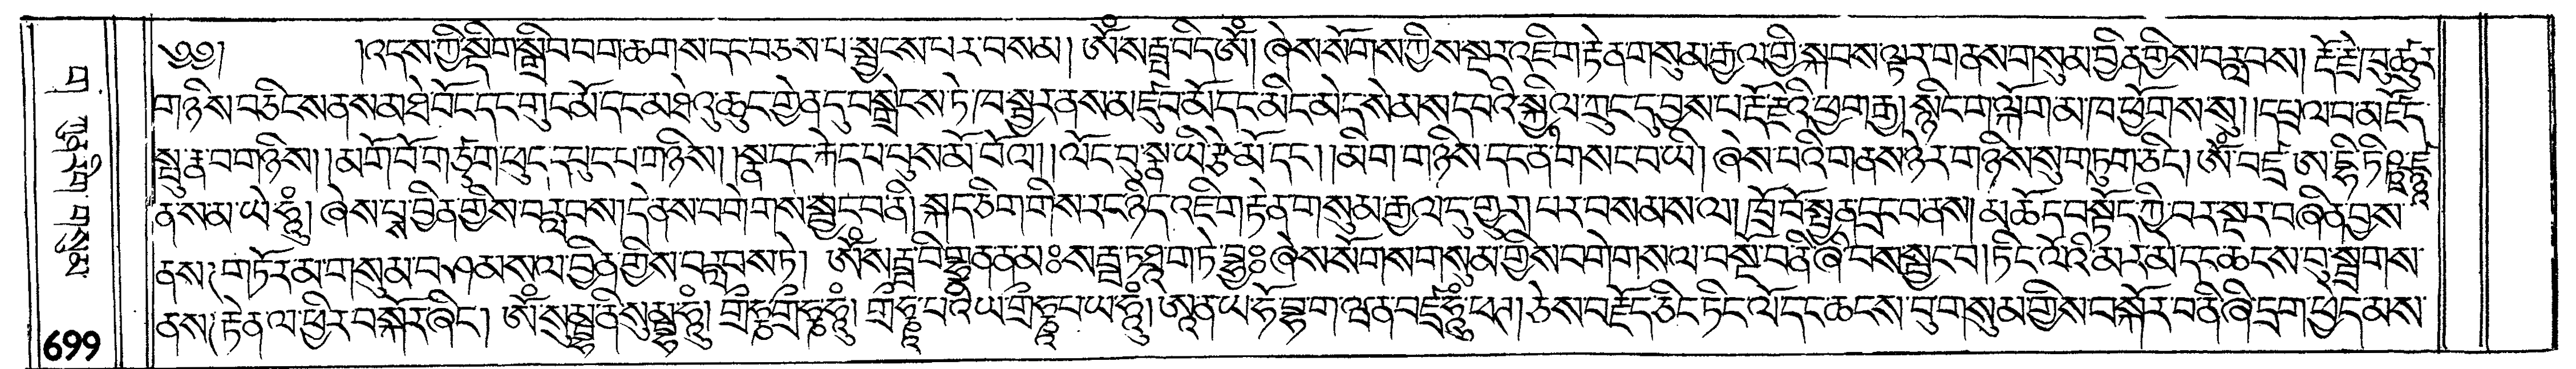༄༅། །འདས་ཀྱི་སྡིག་སྒྲིབ་བག་ཆགས་དང་བཅས་པ་སྦྱངས་པར་བསམ། ཨོཾ་སརྦྦ་བིད་ཨོཾ། ཞེས་སོགས་ཀྱིས་སྔར་འཇིག་རྟེན་གསུམ་རྒྱལ་གྱི་སྐབས་ལྟར་གནས་གསུམ་བྱིན་གྱིས་བརླབས། རྡོ་རྗེ་ཁུ་ཚུར་
གཉིས་བཅིངས་ནས་མཐེ་བོང་དང་གུང་མོ་དང་མཐེའུ་ཆུང་གྱེན་དུ་བསྒྲེངས་ཏེ་ཁ་སྦྱར་ནས་མཛུབ་མོ་དང་མིང་མེད་སེམས་དཔའི་སྐྱིལ་ཀྲུང་དུ་བྱས་པ་རྡོ་རྗེའི་ཕྱག་རྒྱ། སྙིང་ག་ལྐོག་མ་ཁ་ཕྱོགས་སུ། །དཔྲལ་བ་མཛོད་
སྤུ་རྣ་བ་གཉིས། །མགོ་བོ་གཙུག་ཕུད་དཔུང་པ་གཉིས། །སྣ་དང་རྐེད་པ་པུས་མོ་བོལ། །ལོང་བུ་སྣ་ཡི་རྩེ་མོ་དང་། །མིག་གཉིས་དང་ནི་གསང་བ་ཡི། ཞེས་པའི་གནས་ཉེར་གཉིས་སུ་གཏུག་ཅིང་། ཨོཾ་བཛྲ་ཨ་དྷི་ཏིཥཊཿཨ་ཛྙཱ་
ན་ས་མ་ཡེ་ཧཱུཾ། ཞེས་པས་བྱིན་གྱིས་བརླབས། དེ་ནས་བགེགས་སྦྱང་བ་ནི། སྐད་ཅིག་གིས་རང་ཉིད་འཇིག་རྟེན་གསུམ་རྒྱལ་དུ་གྱུར། པར་བསམས་ལ། ཁྲོ་བོ་སྤྱན་དྲང་བ་ནས། མཆོད་བསྟོད་ཀྱི་བར་སྔར་བཞིན་བྱས་
ནས༑ གཏོར་མ་གསུམ་བཤམས་ལ་བྱིན་གྱིས་བརླབས་ཏེ། ཨོཾ་སརྦྦ་བི་གྷྣན་ན་མཿ སརྦྦ་ཏཐཱ་ག་ཏེ་བྷྱཿ ཞེས་སོགས་གསུམ་གྱིས་བགེགས་ལ་བསྔོ་བ་ནི་ཞི་བས་སྦྱང་བ། ཏིང་ལོའི་མར་མེ་དང་ཚང་བུ་སྦྲགས་
ནས༑ རྟེན་ལ་ཕྱིར་བསྐོར་ཞིང་། ཨོཾ་སུམྦྷ་ནི་སུམྦྷ་ཧཱུཾ། གྲྀཧྞ་གྲྀཧྞ་ཧཱུཾ། གྲྀཧྞཱ་པའི་ཡ་གྲྀ་ཧྞཱ་པ་ཡ་ཧཱུཾ། ཨཱ་ན་ཡ་ཧོ་བྷ་ག་ཝ་ན་བཛྲ་ཧཱུཾ་ཕཊ། ཅེས་བརྗོད་ཅིང་ཏིང་ལོ་དང་ཆངས་བུ་གསུམ་གྱིས་བསྐོར་བ་ནི་ཞི་དྲག་ཕྱེད་མས་